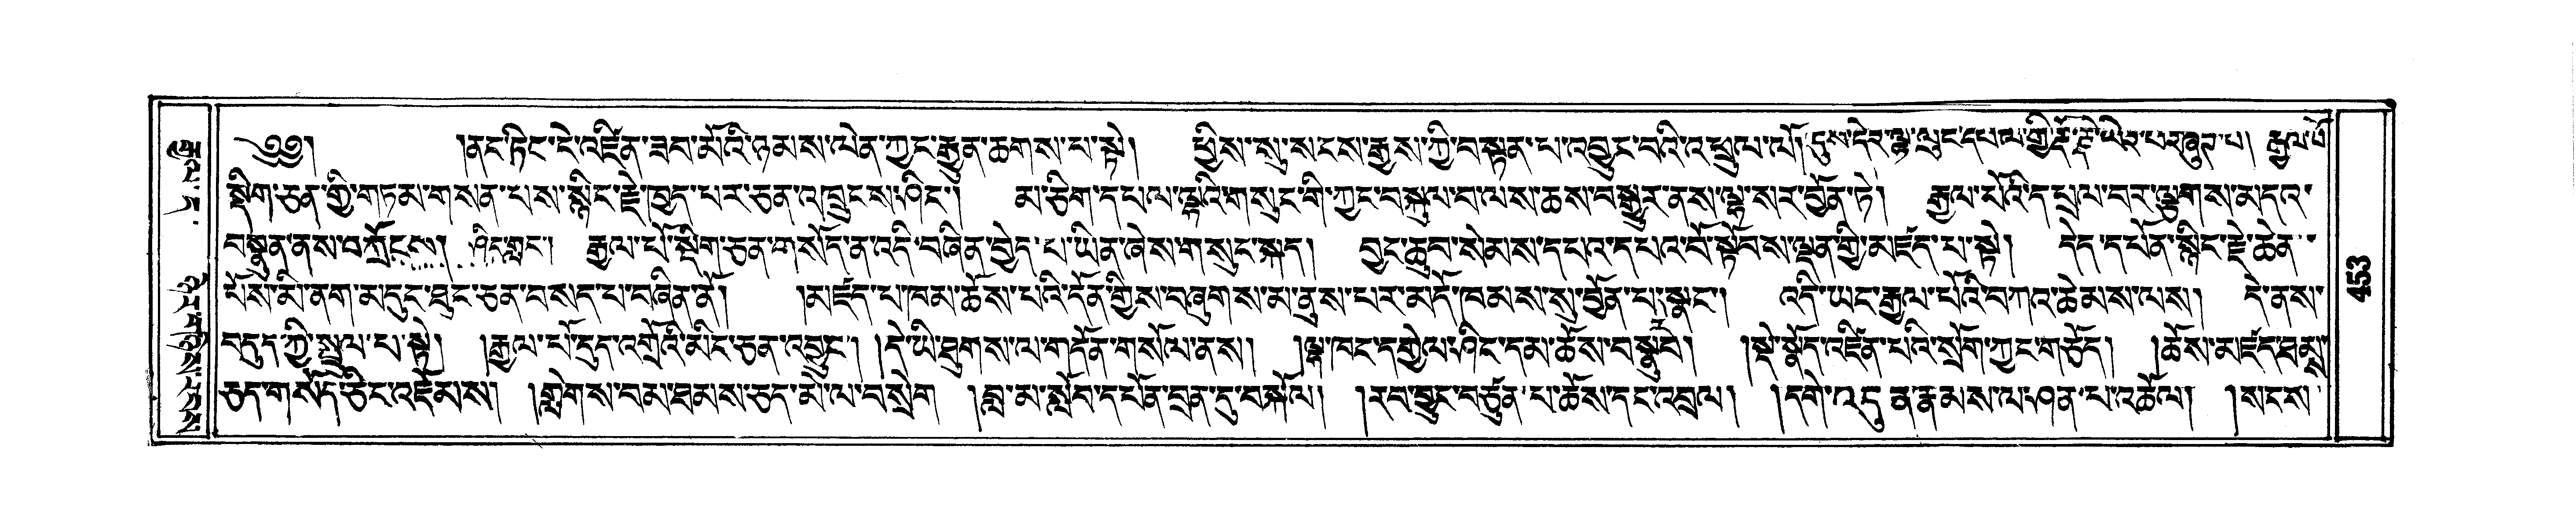༄༅། །ནང་ཏིང་ངེ་འཛིན་ཟབ་མོའི་ཉམས་ལེན་ཀྱང་རྒྱུན་ཆགས་པ་སྟེ། ཕྱིས་སུ་སངས་རྒྱས་ཀྱི་བསྟན་པ་འབྱུང་བའི་འཕྲུལ་ལོ། དུས་དེར་ལྷ་ལུང་དཔལ་གྱི་རྡོ་རྗེ་ཡེར་པར་ཞུཊ་པ། རྒྱལ་པོ་
སྡིག་ཅན་གྱི་གཏམ་གསན་པས་སྙིང་རྗེ་ཁྱད་པར་ཅན་འཁྲུངས་ཤིང་། མ་ཅིག་དཔལ་ལྷའི་གསུང་གི་ཀྱང་བསྐུལ་བ་ལས་ཆས་བསྒྱུར་ནས་ལྷ་སར་བྱོན་ཏེ། རྒྱལ་པོའི་དཔྲལ་བར་ལྕགས་མདའ་
བསྣུན་ནས་བཀྲོངས། ཤིང་གླང་།  རྒྱལ་པོ་སྡིག་ཅན་གསོད་ན་འདི་བཞིན་བྱེད་པ་ཡིན་ཞེས་གསུང་སྐད། བྱང་ཆུབ་སེམས་དཔའ་དཔའ་བོ་སྟོབས་ལྡན་གྱི་མཛད་པ་སྟེ། དེད་དཔོན་སྙིང་རྗེ་ཆེན་
པོས་མི་ནག་མདུང་ཐུང་ཅན་བསད་པ་བཞིན་ནོ། །མཛད་པ་ཁམ་ཆོས་པའི་དོན་གྱིས་བཞུགས་མ་ནུས་པར་མདོ་ཁམས་སུ་བྱོན་པ་སྣང་། འདི་ཡང་རྒྱལ་པོའི་བཀའ་ཆེམས་ལས། དེ་ནས་
བདུད་ཀྱི་སྤྲུལ་པ་སྟེ། རྒྱལ་པོ་དུད་འགྲོའི་མིང་ཅན་འབྱུང་། །དེ་ཡི་ཐུགས་ལ་གདོན་གསོལ་ནས། །ལྷ་ཁང་དགྱེལ་ཤིང་དམ་ཆོས་བསྣུབ། །སྡེ་སྣོད་འཛིན་པའི་སྲོག་ཀྱང་གཅོད། །ཆོས་མཛད་ཐམས་
ཅད་གསོད་ཅིང་འཇོམས། །གླེགས་བམ་ཐམས་ཅད་མེ་ལ་བསྲེག །བླ་མ་སློབ་དཔོན་བྲན་དུ་བསྐོལ། །རབ་བྱུང་བཙུན་པ་ཆོས་དང་འབྲལ། །དགེ་འདུན་རྣམས་ལ་ཤན་པ་འཆོལ། །སངས་